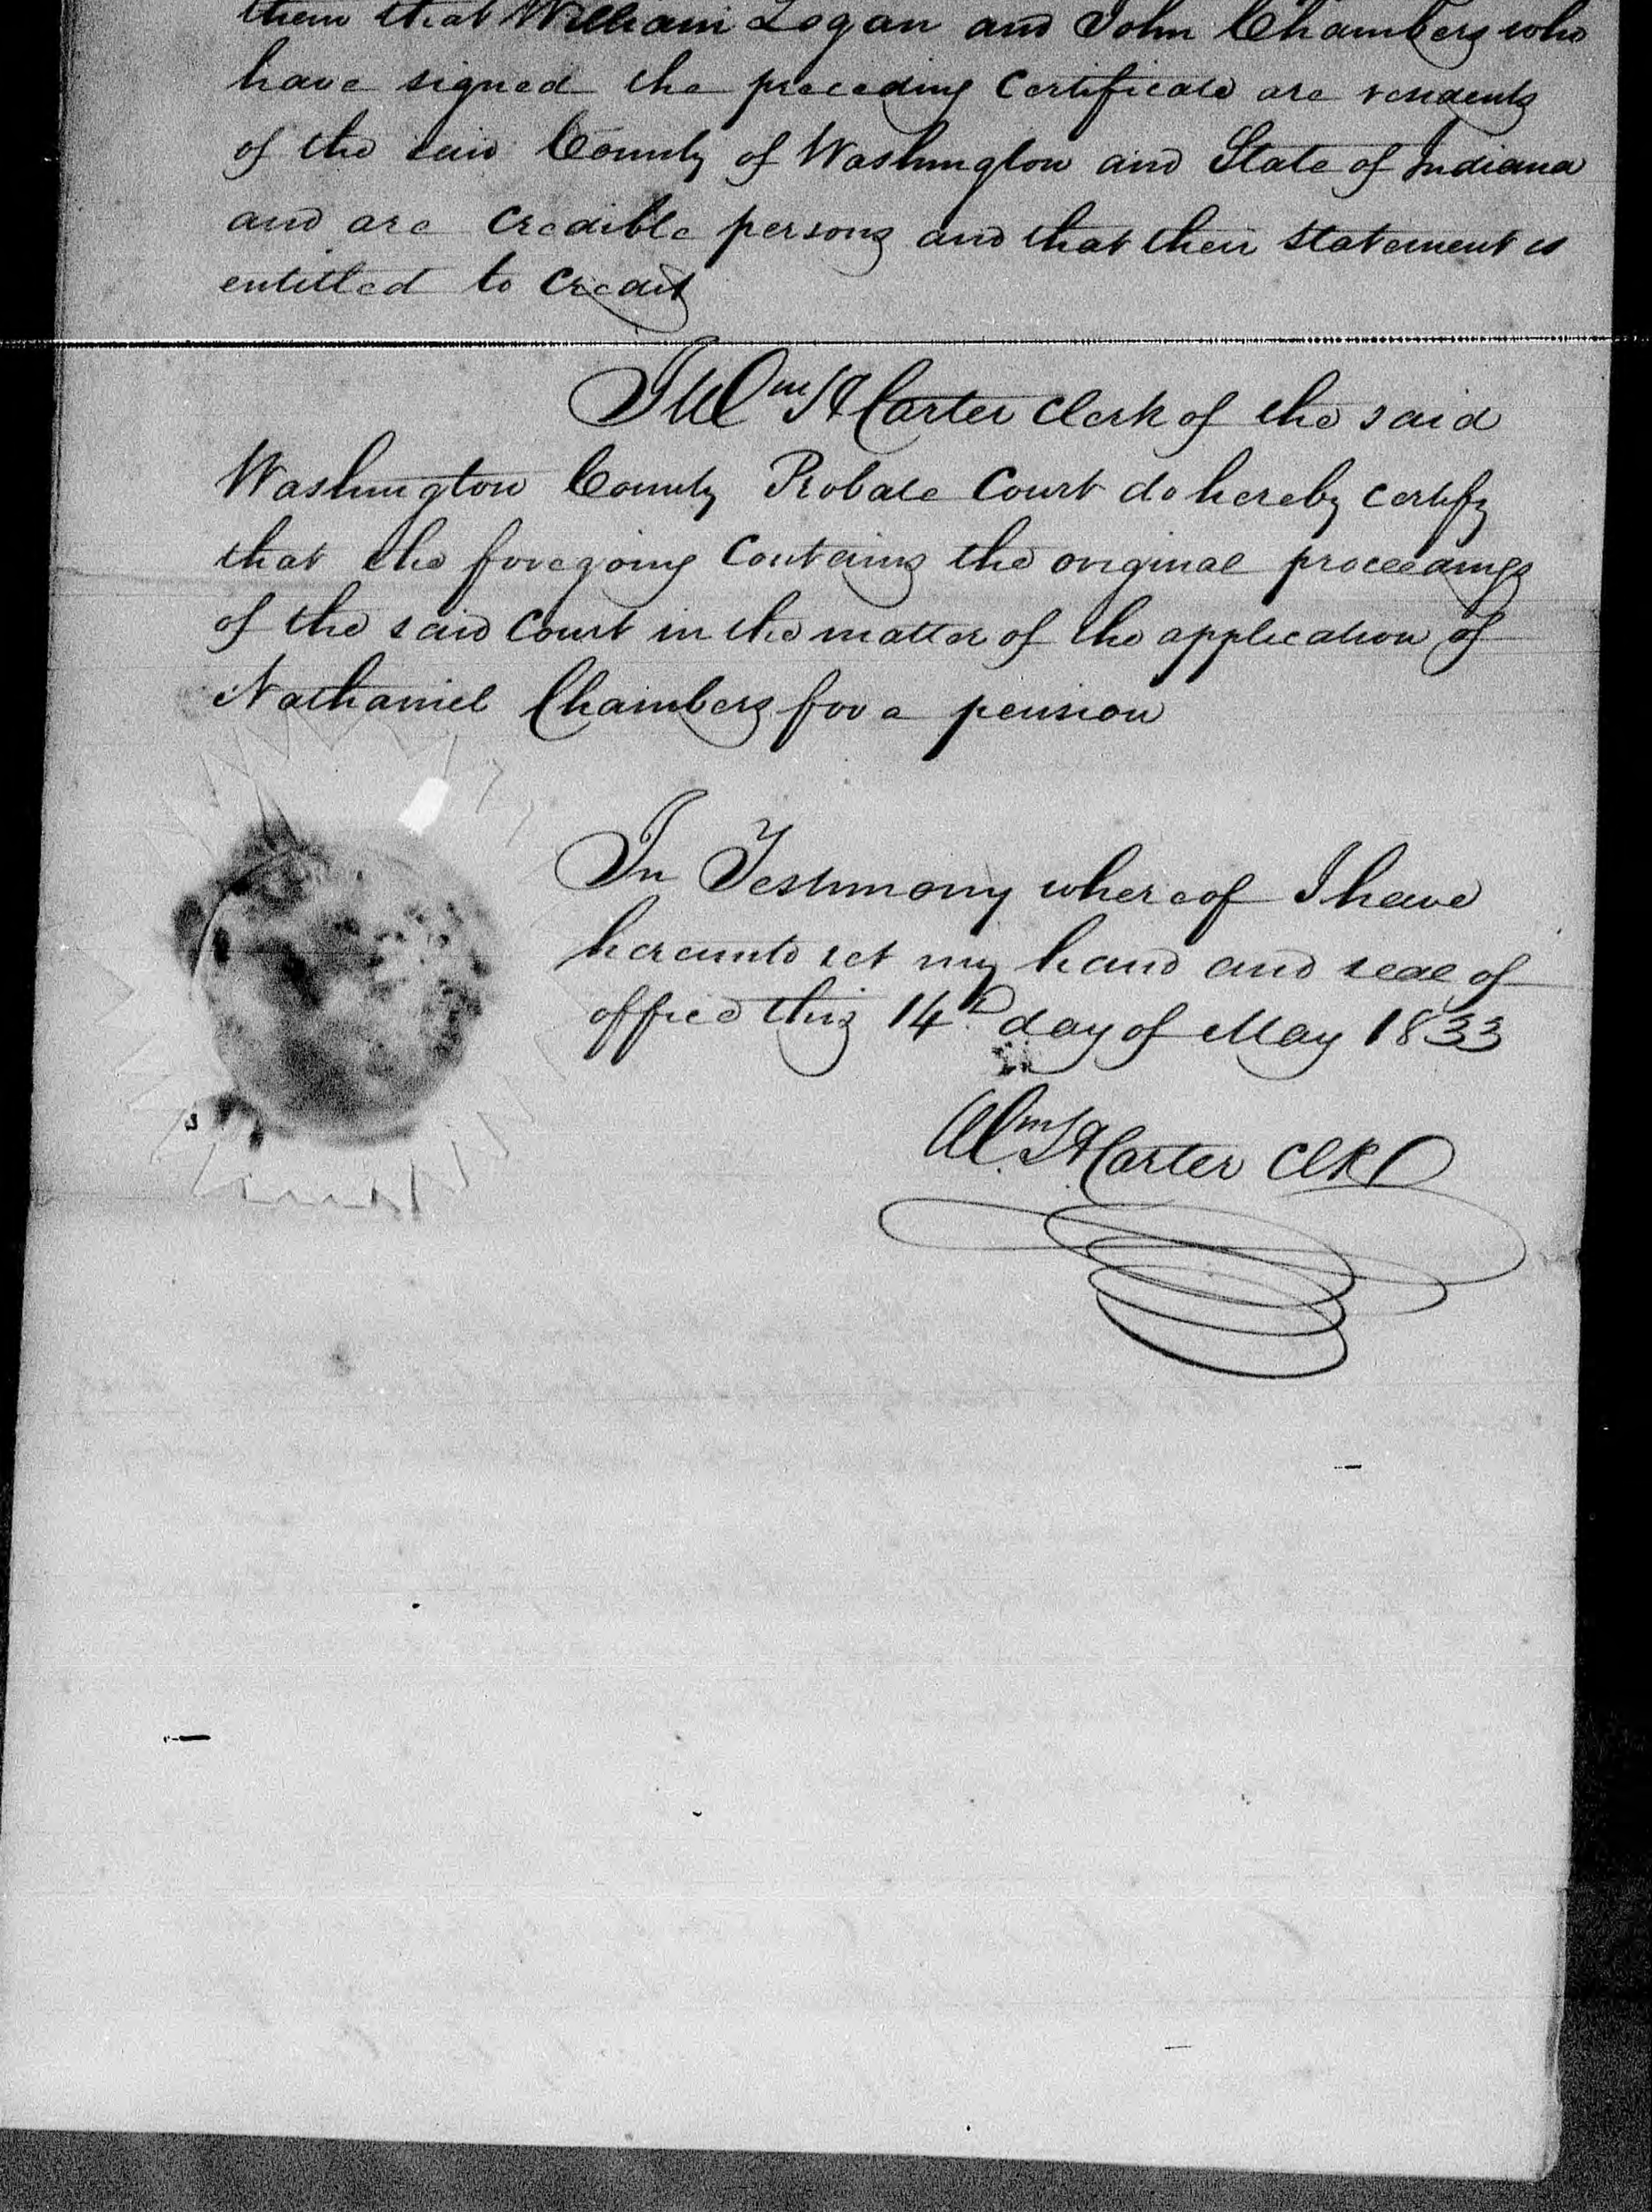them that William Logan and John Chambers who
have signed the preceding certificate are residents
of the said County of Washington and State of Indiana
and are credible persons and that their statement is
entitled to credit
Wm Carter Clerk of the said Washington County Probate Court do hereby certify that the foregoing contains the original proceedings of the said Court in the matter of the application of Nathaniel Chambers for a pension.
In Testimony whereof I have
hereunto set my hand and seal of
office this 14th day of May 1833
Wm H. Carter Clk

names: William Logan, Nathaniel Chambers, John Chambers, Wm H Carter, Wm H Carter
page: 13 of 13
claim: survivor's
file: S. 32,171, Nathaniel Chambers, N.C.